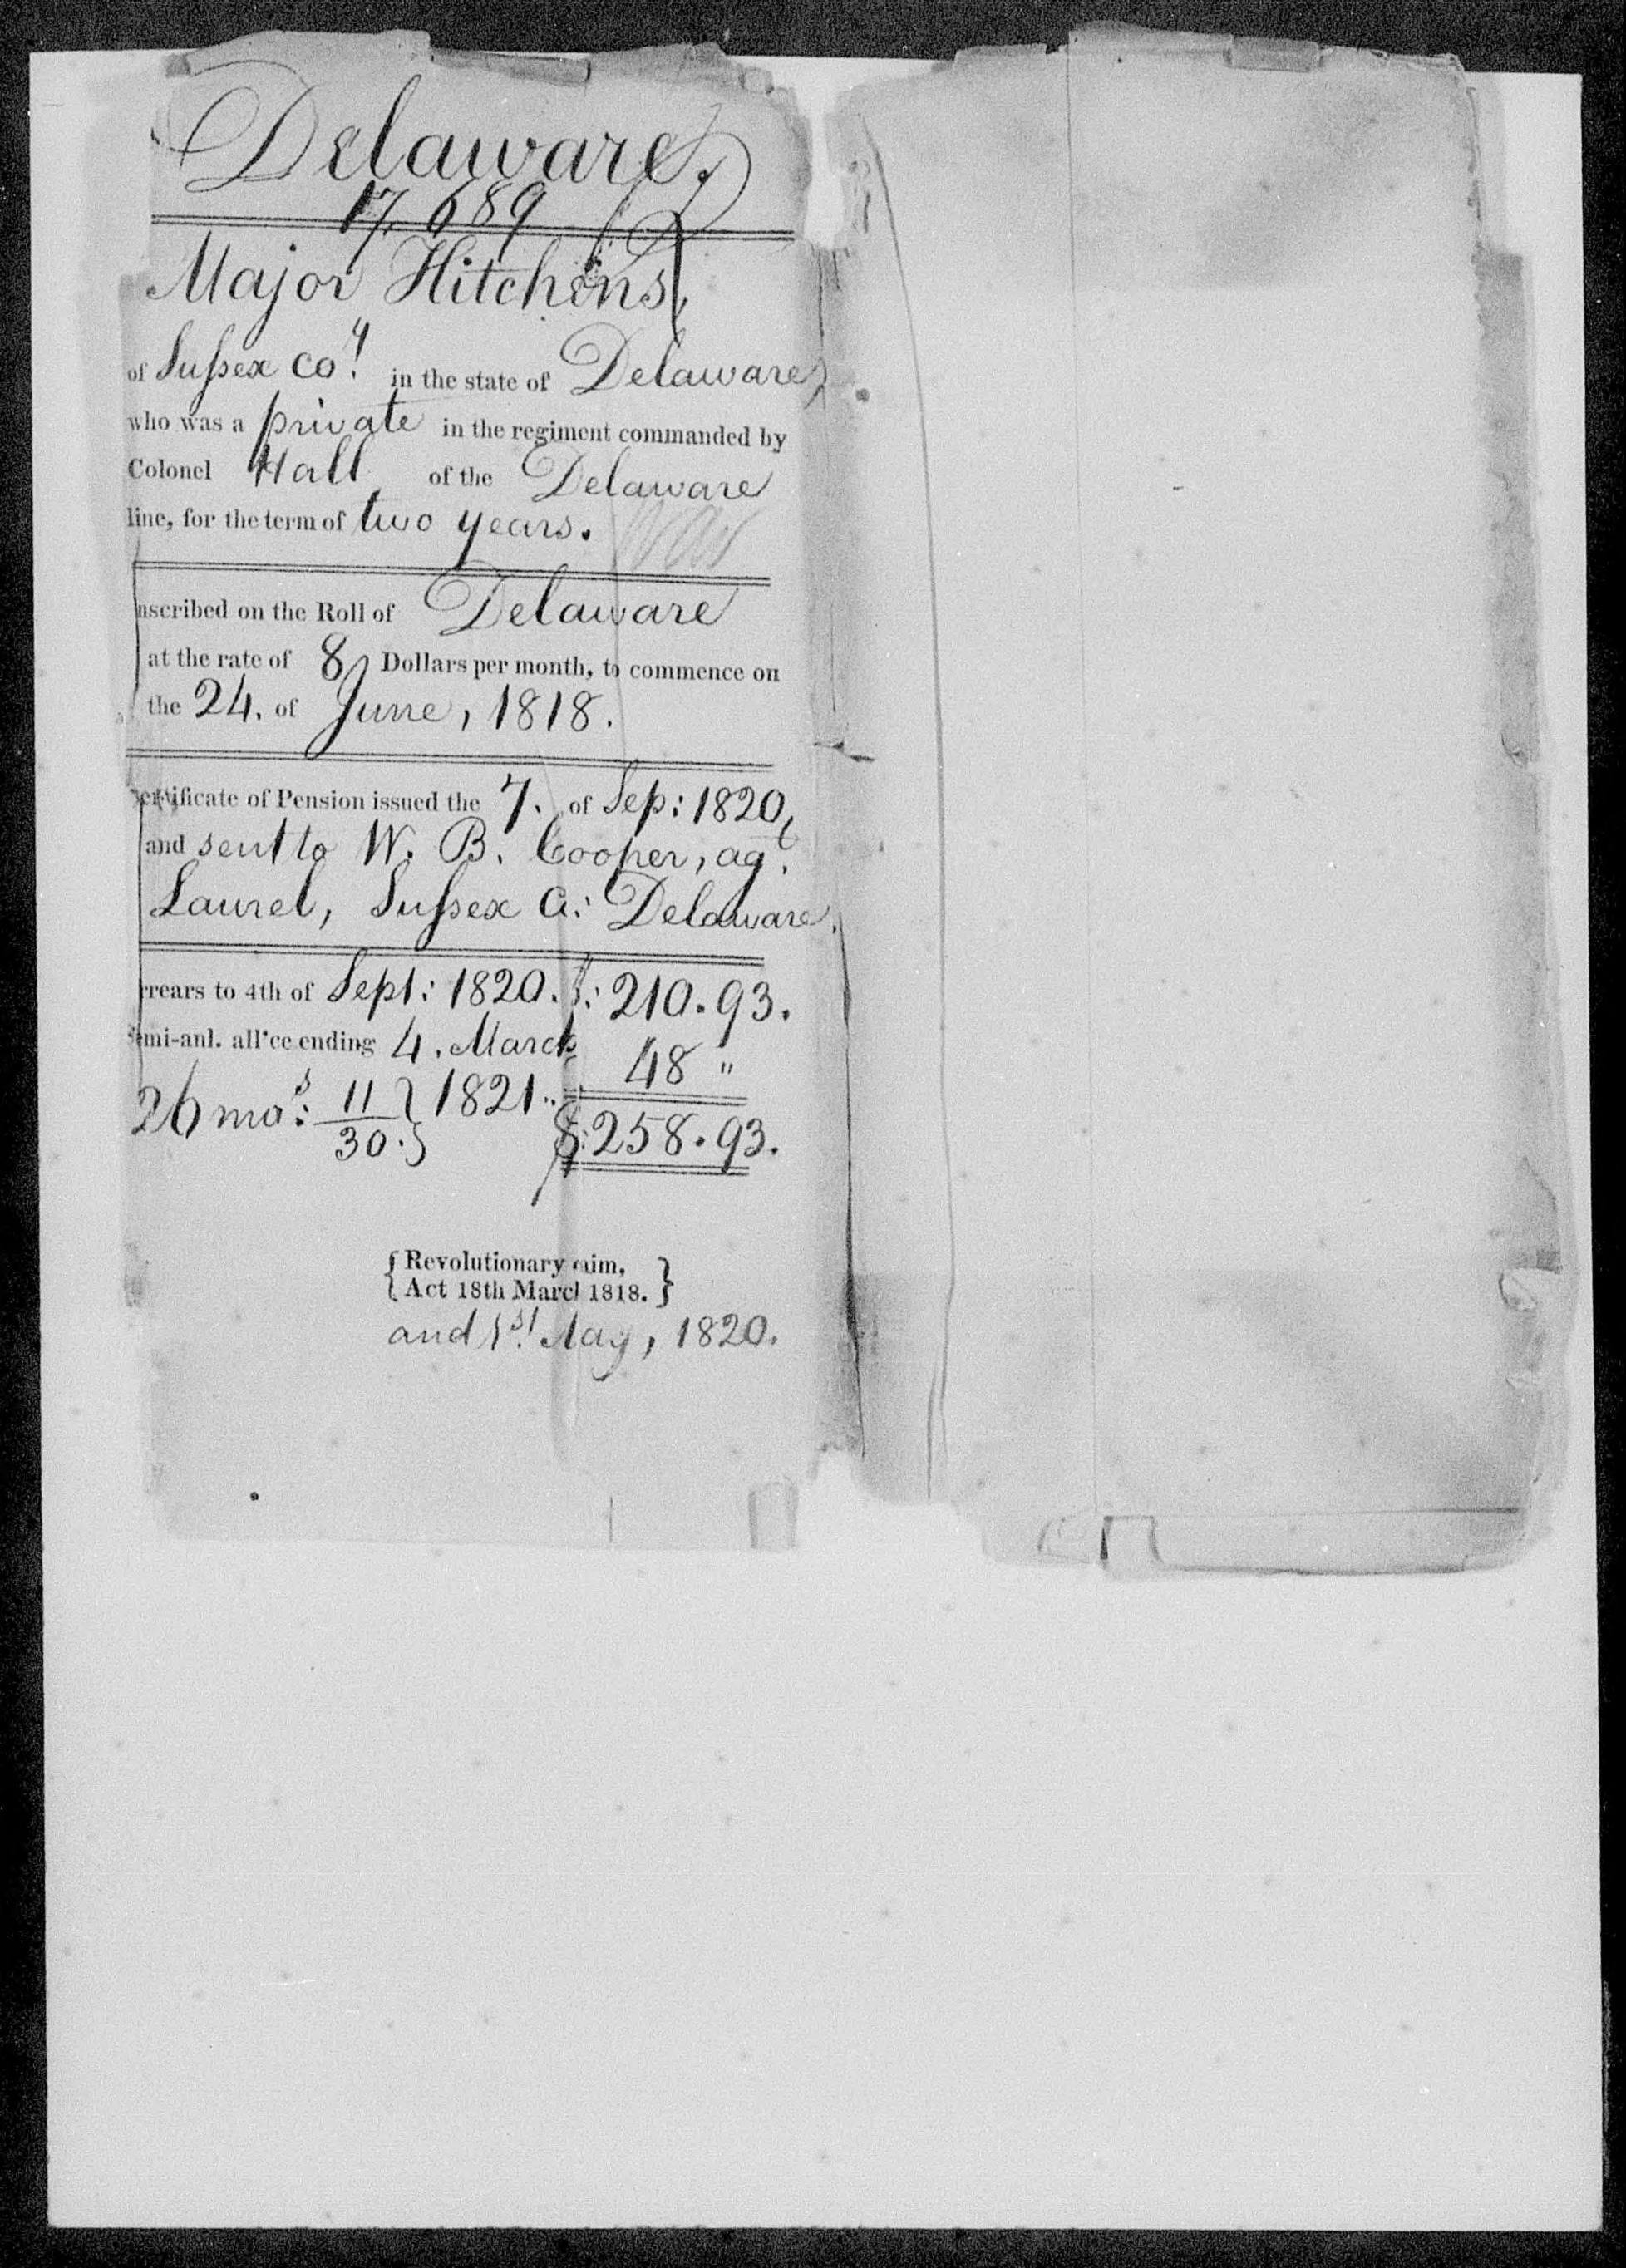Delaware
17,689
Major Hitchens
of Sussex Co.
in the state of Delaware
who was a private in the regiment commanded by
Colonel Hall of the Delaware
line, for the term of two years.
Inscribed on the Roll of Delaware
at the rate of 8 Dollars per month, to commence on
the 24 of June, 1818.
Certificate of Pension issued the 7 of Sep. 1820,
and sent to W. B. Cooper, ag
Laurel, Sussex co Delaware
[A]rrears to 4th of Sept. 1820. $210.93.
Semi-anl. all'ce ending 4 March
26 mos: 11/30 } 1821
48"
$258.93.

{Revolutionary aim,
Act 18th March 1818.}

and 1st May, 1820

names: Major Hitchens, W B Cooper, Hall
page: 2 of 21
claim: survivor's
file: S. 36017, Major Hitchens, Del.